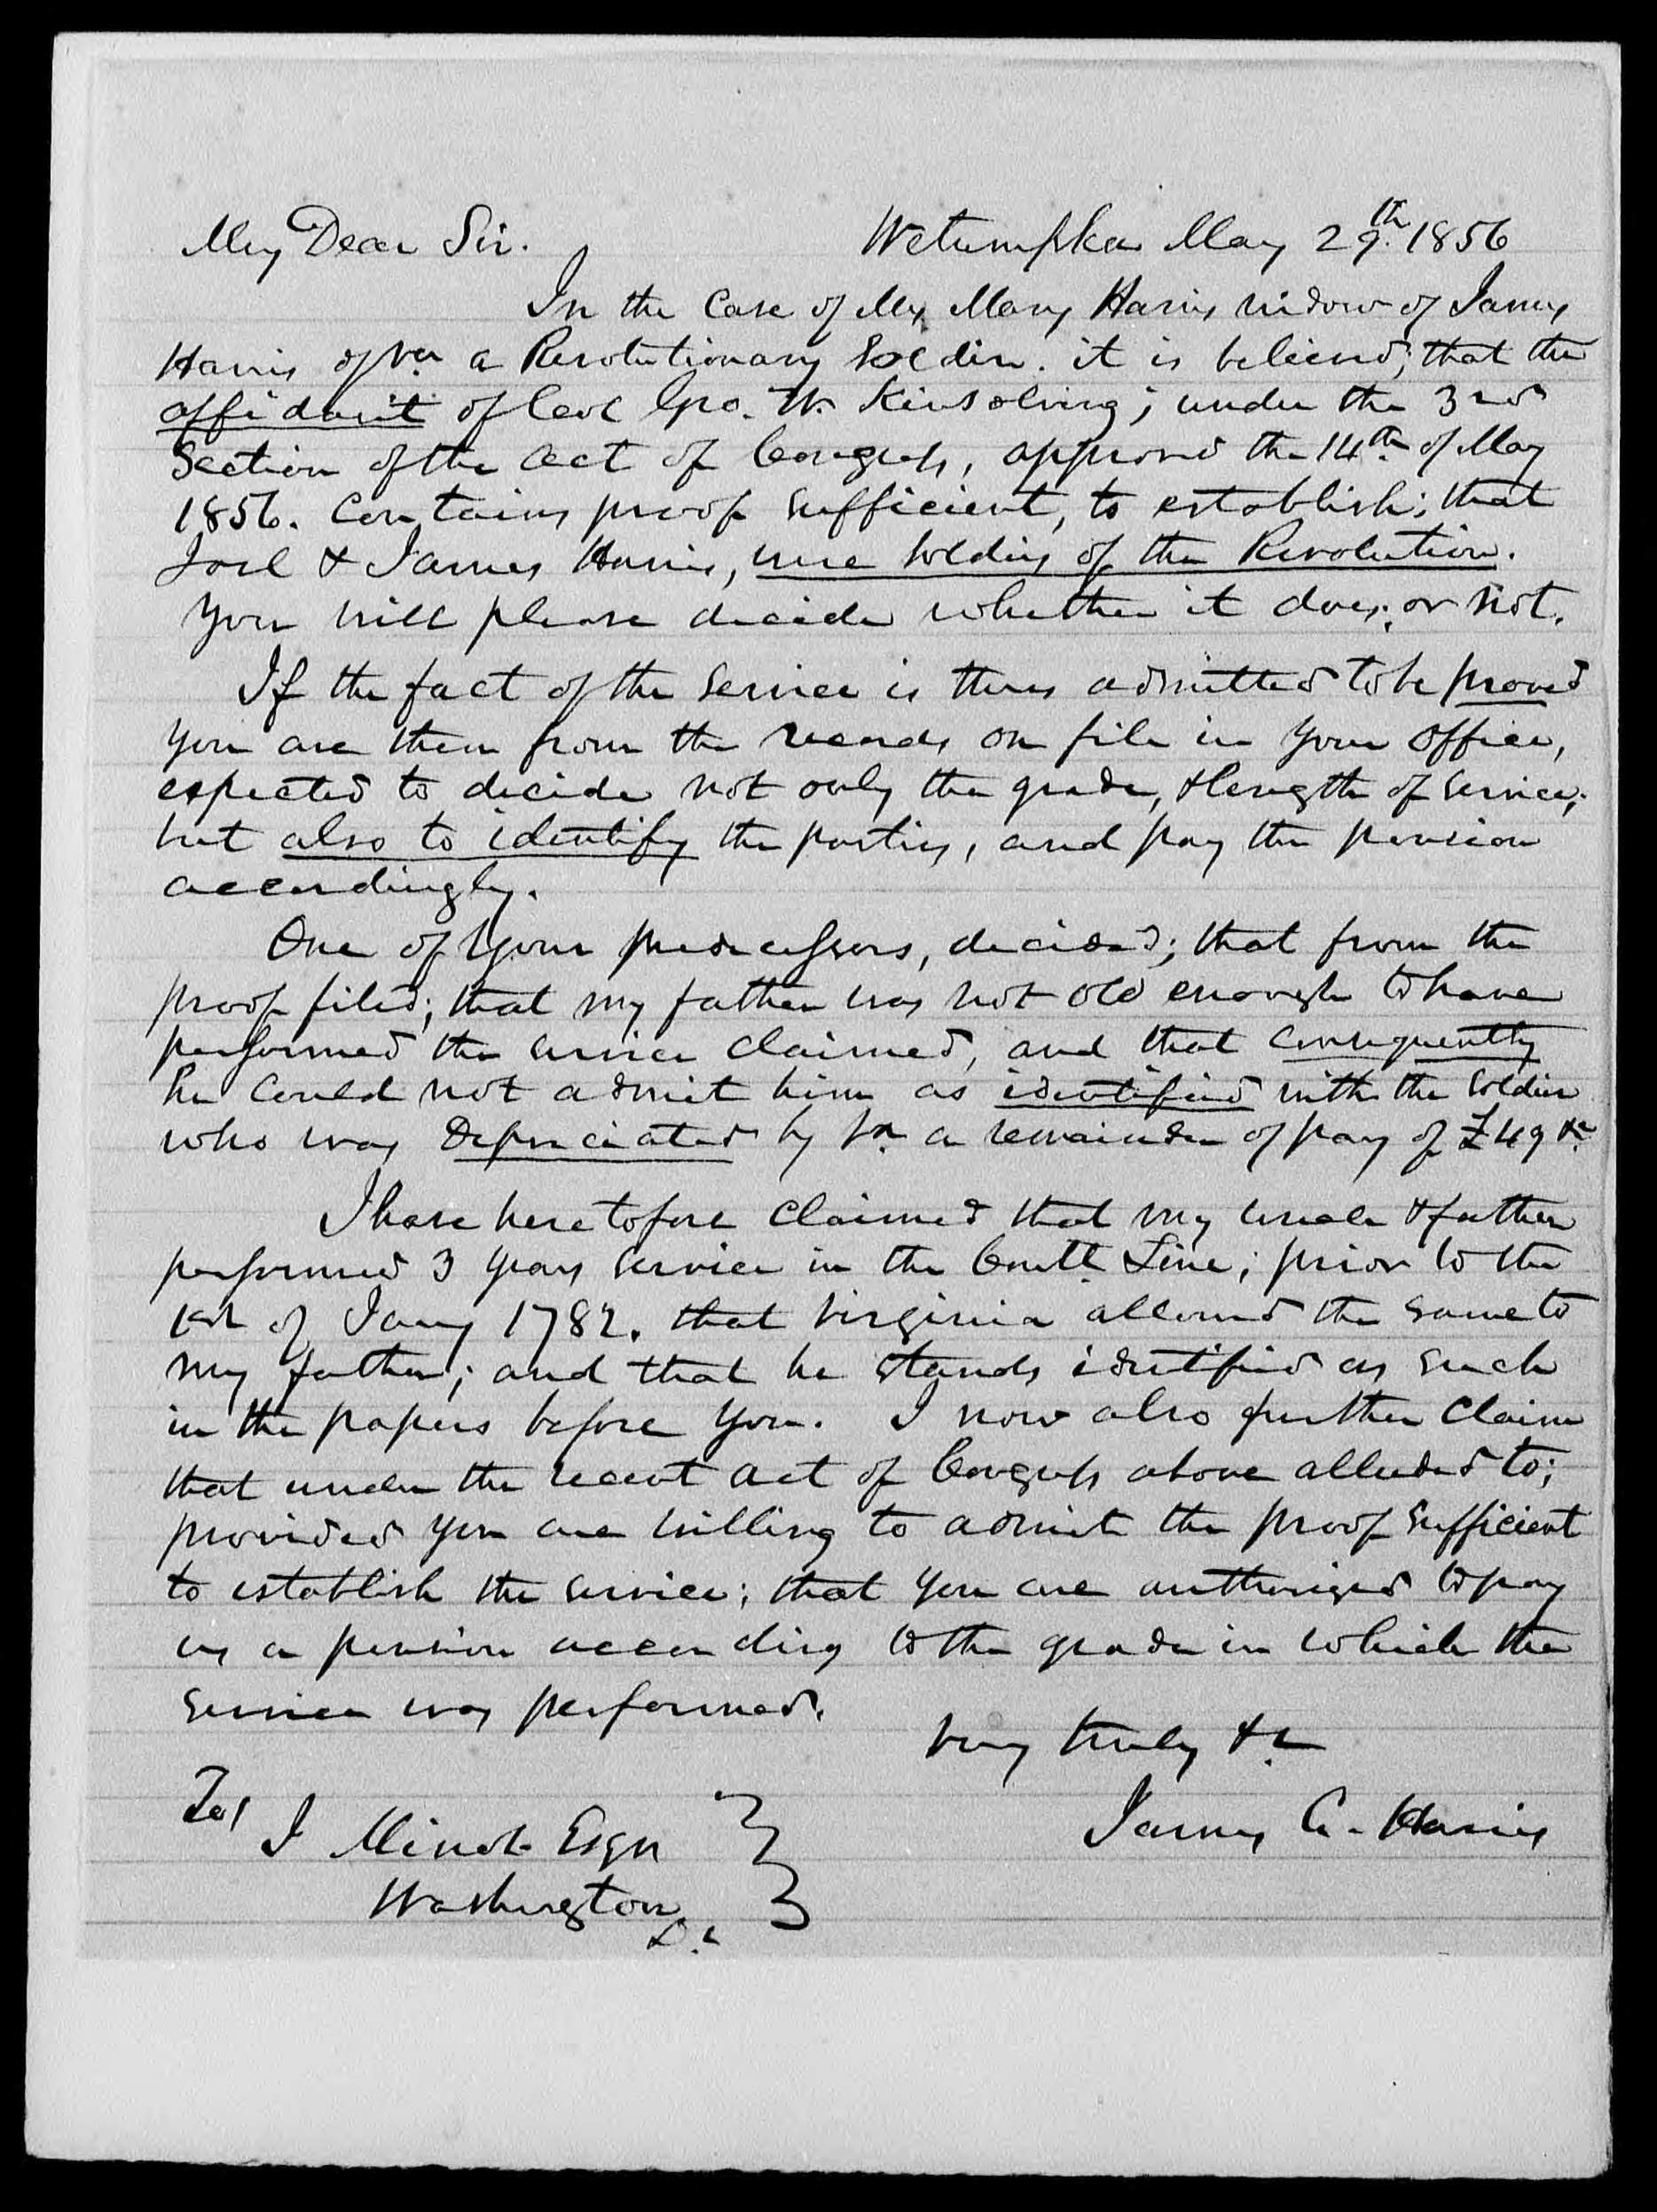Wetumpka May 29th 1856
My Dear Sir;
   In the case of Mrs. Mary Harris widow of James Harris d/cd a Revolutionary Soldier, it is believed that the affidavit of Col Geo. W. Kinsolving; under the 3rd Section of the Act of Congress, approved the 14th of May 1856, contains proof sufficient, to establish; that Joel & James Harris were soldiers of the Revolution.  You will please decide whether it does or not.
   If the fact of the service is thus admitted to be proved, you are then from the record on file in your office expected to decide not only the grade, & length of service, but also to identify the parties, and pay the pension accordingly.
   One of your predecessors, decided; that from the proof filed; that my father was not old enough to have performed the service claimed, and that consequently he could not admit him as identified with the soldier who was depreciated by for a remainder of pay of [pound sign] 49.[??]
   I have heretofore claimed that my uncle & father performed 3 years service in the [?] Line; prior to the 1st of Jany 1782, that Virginia allowed the same to my Father; and that he stands identified as such in the papers before you.  I now also further claim that under the recent act of Congress above alluded to; provided you are willing to admit the proof sufficient to establish the service; that you are authorized to pay us a pension according to the grade in which the service was performed
     Very truly &c
     James G. Harris

To: J Minot Esqu}
Washington DC.}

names: Joel Harris, James Harris, James C Harris, James Harris, J Minot, Mary Harris, Geo W Kinsolving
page: 10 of 160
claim: rejected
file: R. 4666, James Harris, Va.